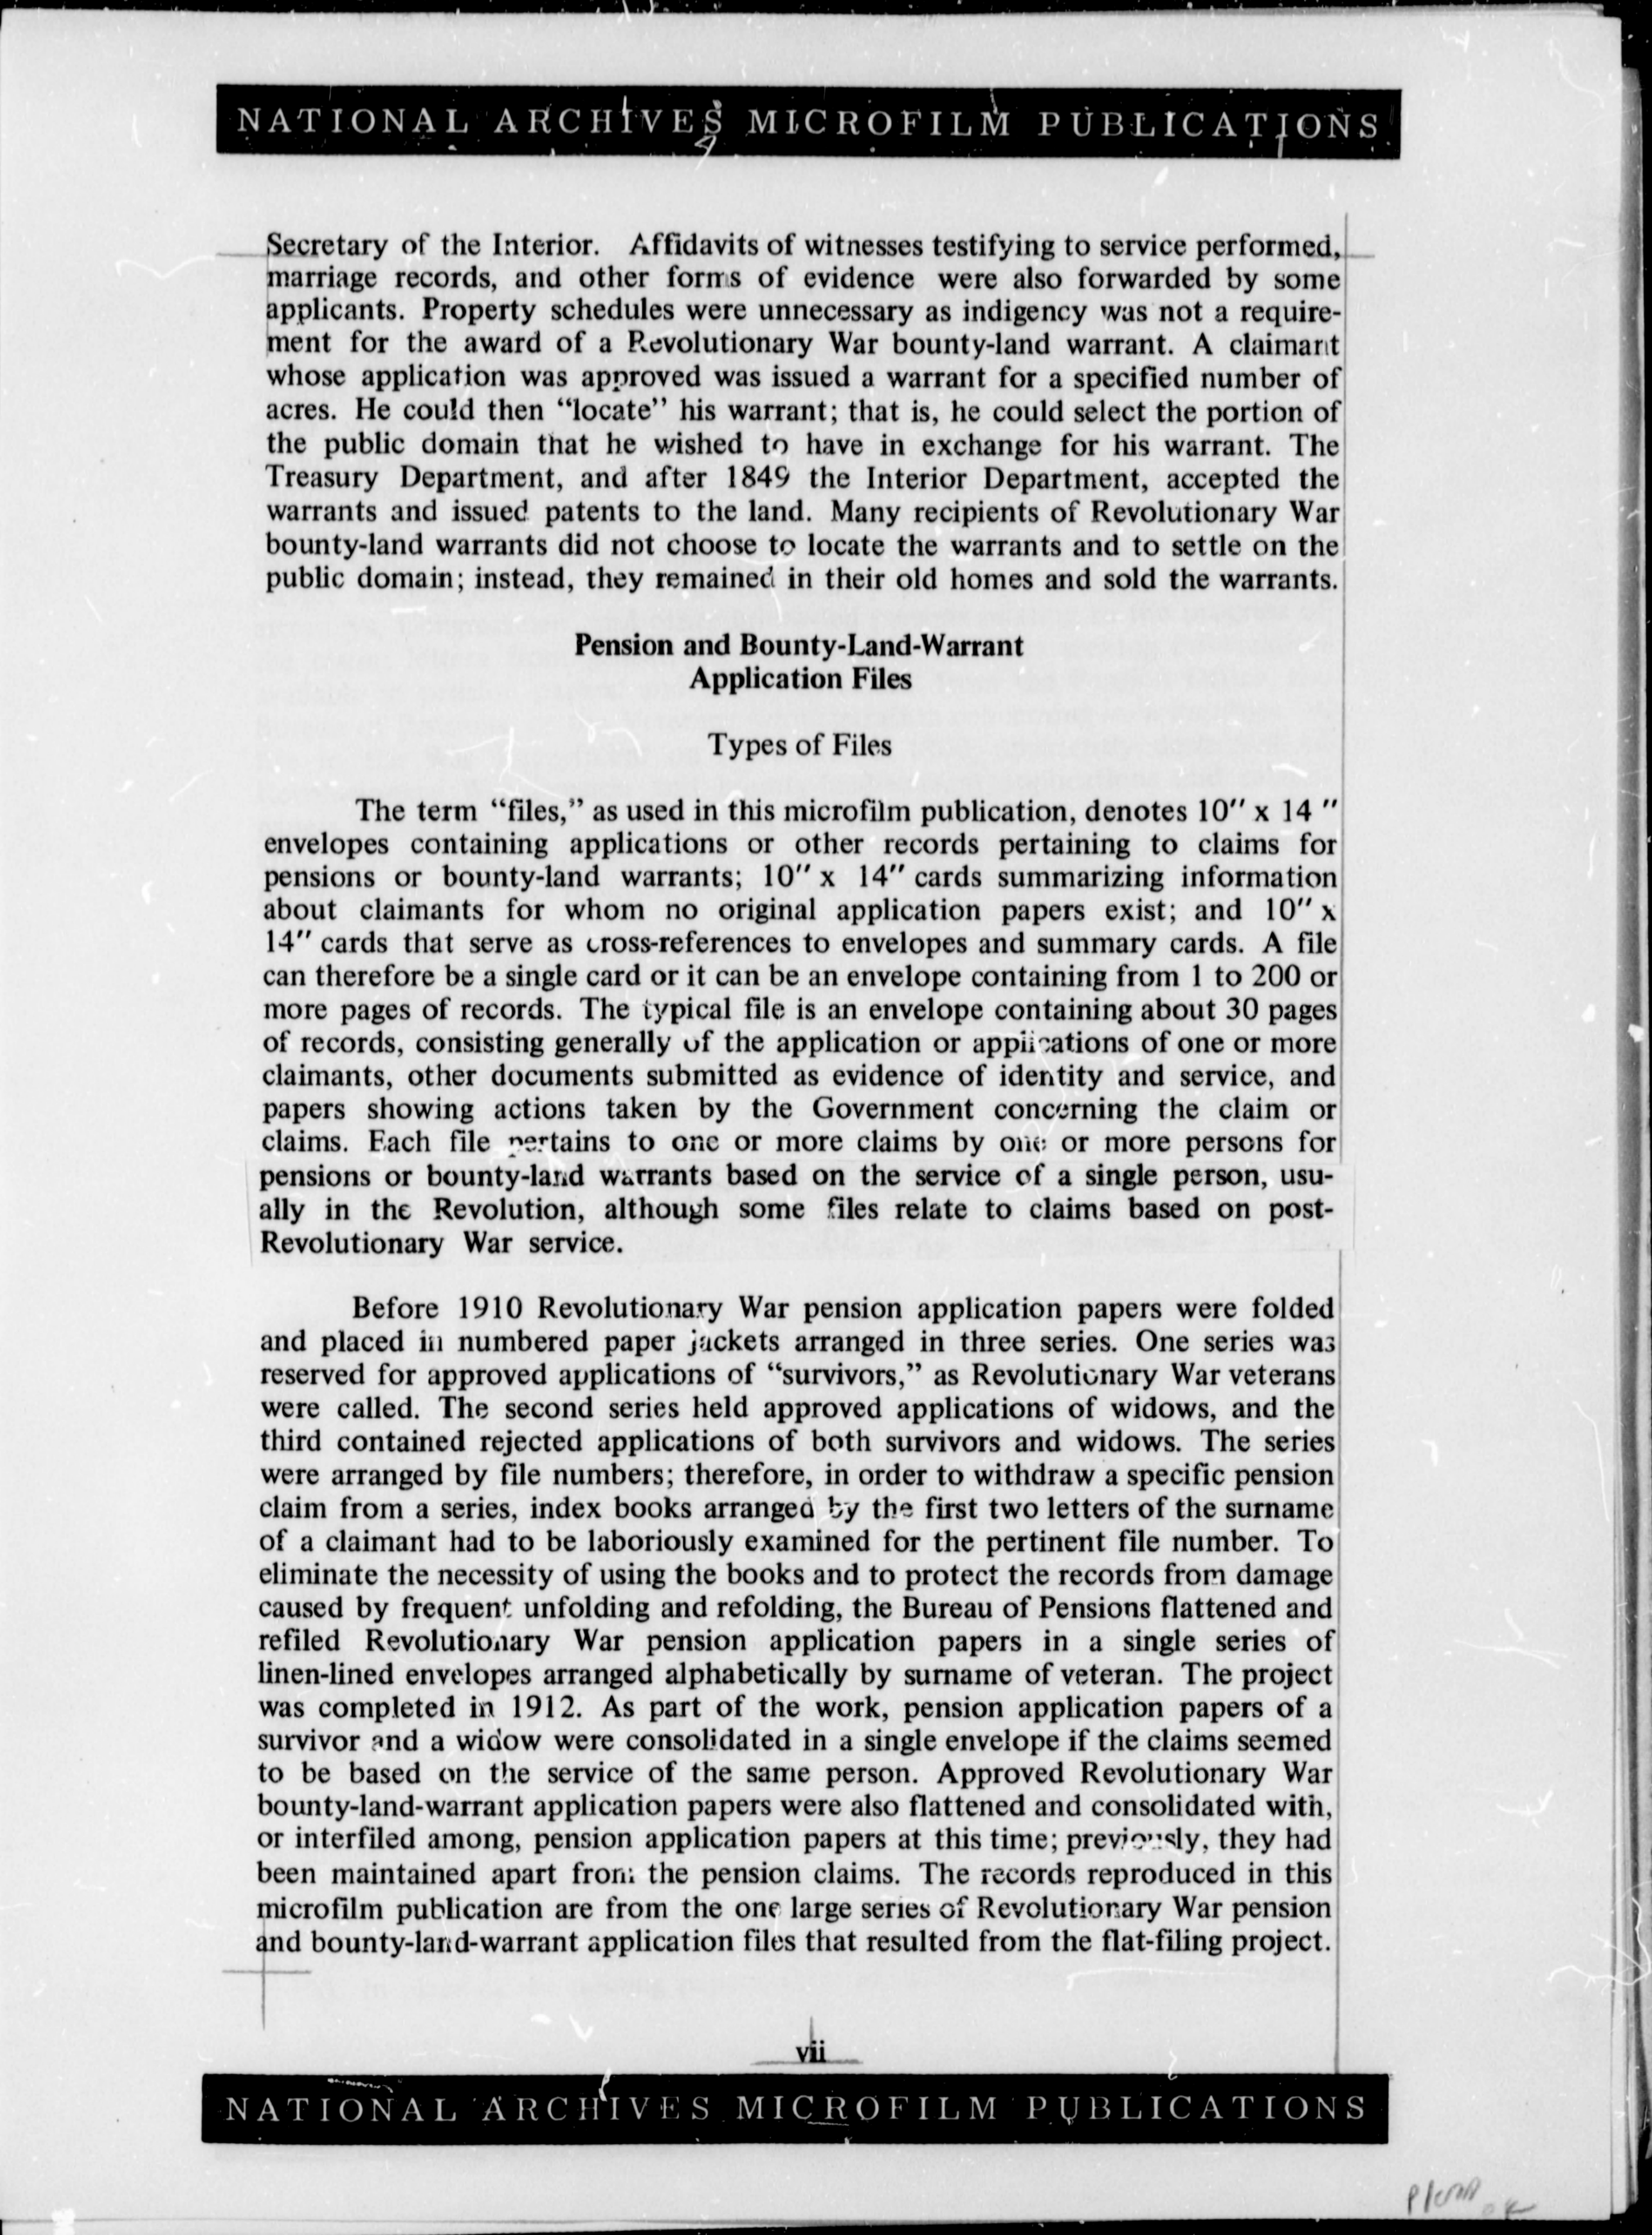NATIONAL ARCHIVES MICROFILM PUBLICATIONS

Secretary of the Interior. Affidavits of witnesses testifying to service performed, marriage records, and other forms of evidence were also forwarded by some applicants. Property schedules were unnecessary as indigency was not a requirement for the award of a Revolutionary War bounty-land warrant. A claimant whose application was approved was issued a warrant for a specified number of acres. He could then "locate" his warrant; that is, he could select the portion of the public domain that he wished to have in exchange for his warrant. The Treasury Department, and after 1849, the Interior Department, accepted the warrants and issued patents to the land. Many recipients of Revolutionary War bounty-land warrants did not choose to locate the warrants and to settle on the public domain; instead, they remained in their old homes and sold the warrants.

Pension and Bounty-Land-Warrant Application Files

Types of Files

The term "files," as used in this microfilm publication, denotes 10" x 14" envelopes containing applications or other records pertaining to claims for pensions or bounty-land warrants; 10" x 14" cards summarizing information about claimants for whom no original application papers exist; and 10" x 14" cards that serve as cross-references to envelopes and summary cards. A file can therefore be a single card or it can be an envelope containing from 1 to 200 or more pages of records. The typical file is an envelope containing about 30 pages of records, consisting generally of the application or applications of one or more claimants, other documents submitted as evidence of identity and service, and papers showing actions taken by the Government concerning the claim or claims. Each file pertains to one or more claims by one or more persons for pensions or bounty-land warrants based on the service of a single person, usually in the Revolution, although some files relate to claims based on post-Revolutionary War service.

Before 1910 Revolutionary War pension application papers were folded and placed in numbered paper jackets arranged in three series. One series was reserved for approved applications of "survivors," as Revolutionary War veterans were called. The second series held approved applications of widows, and the third contained rejected applications of both survivors and widows. The series were arranged by file numbers; therefore, in order to withdraw a specific pension claim from a series, index books arranged by the first two letters of the surname of a claimant had to be laboriously examined for the pertinent file number. To eliminate the necessity of using the books and to protect the records from damage caused by frequent unfolding and refolding, the Bureau of Pensions flattened and refiled Revolutionary War pension application papers in a single series of linen-lined envelopes arranged alphabetically by surname of veteran. The project was completed in 1912. As part of the work, pension application papers of a survivor and a widow were consolidated in a single envelope if the claims seemed to be based on the service of the same person. Approved Revolutionary War bounty-land-warrant application papers were also flattened and consolidated with, or interfiled among, pension application papers at this time; previously, they had been maintained apart from the pension claims. The records reproduced in this microfilm publication are from one large series of Revolutionary War pension and bounty-land-warrant application files that resulted from the flat-filing project.

NATIONAL ARCHIVES MICROFILM PUBLICATIONS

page: 7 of 61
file: Revolutionary War Pension and Bounty Land Warrant Application File